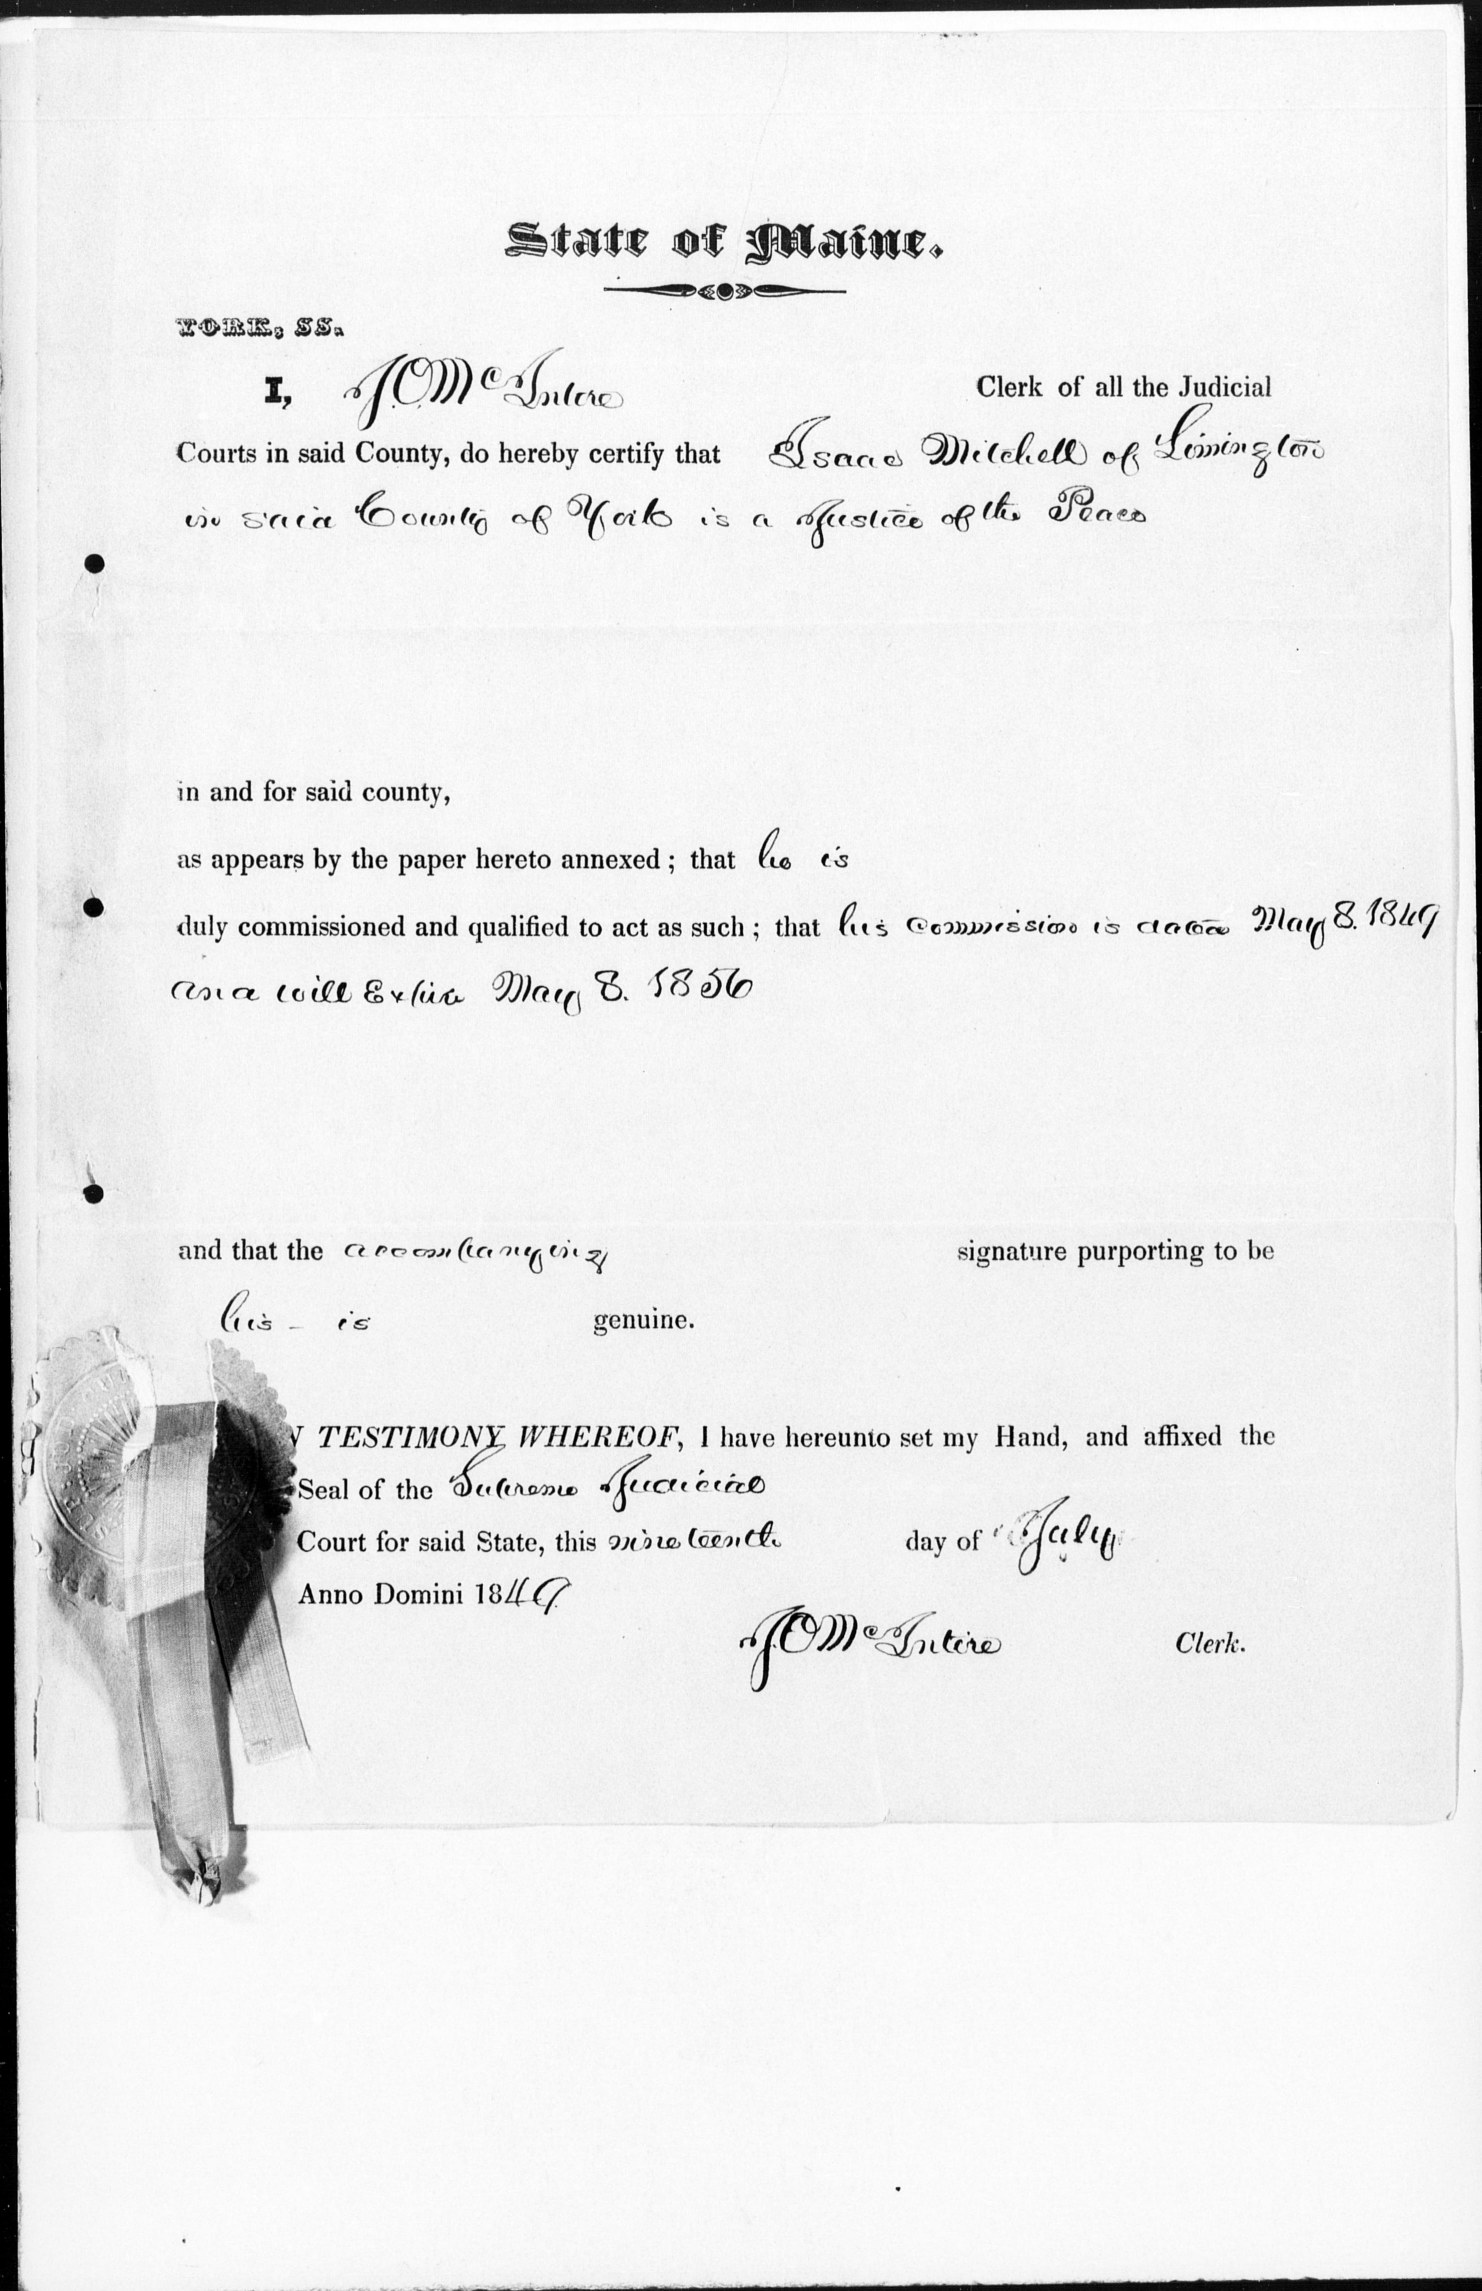State of Maine 

York, SS, 

I J.O. McIntire, Clerk of all the Judicial Courts in said County, do hereby certify that Isaac Mitchell of Limington in said County of York is a Justice of the Peace. 

in and for said county, as appears by the paper hereto annexed; that he is duly commissioned and qualified to act as such; that his commission is dated May 8, 1849 

and that the accompanying signature purporting to be his is genuine. 

TESTIMONY WHEREOF, I have hereunto set my Hand, and affixed the Seal of the Supreme Judicial Court for said State, this nineteenth day of July Anno Domini 1849.. 

J.O.McIntire Clerk.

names: J O Mc Intire, J O Mc Intire, Isaac Mitchell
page: 13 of 23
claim: widow's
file: W. 1693, John Andrews, Mass.